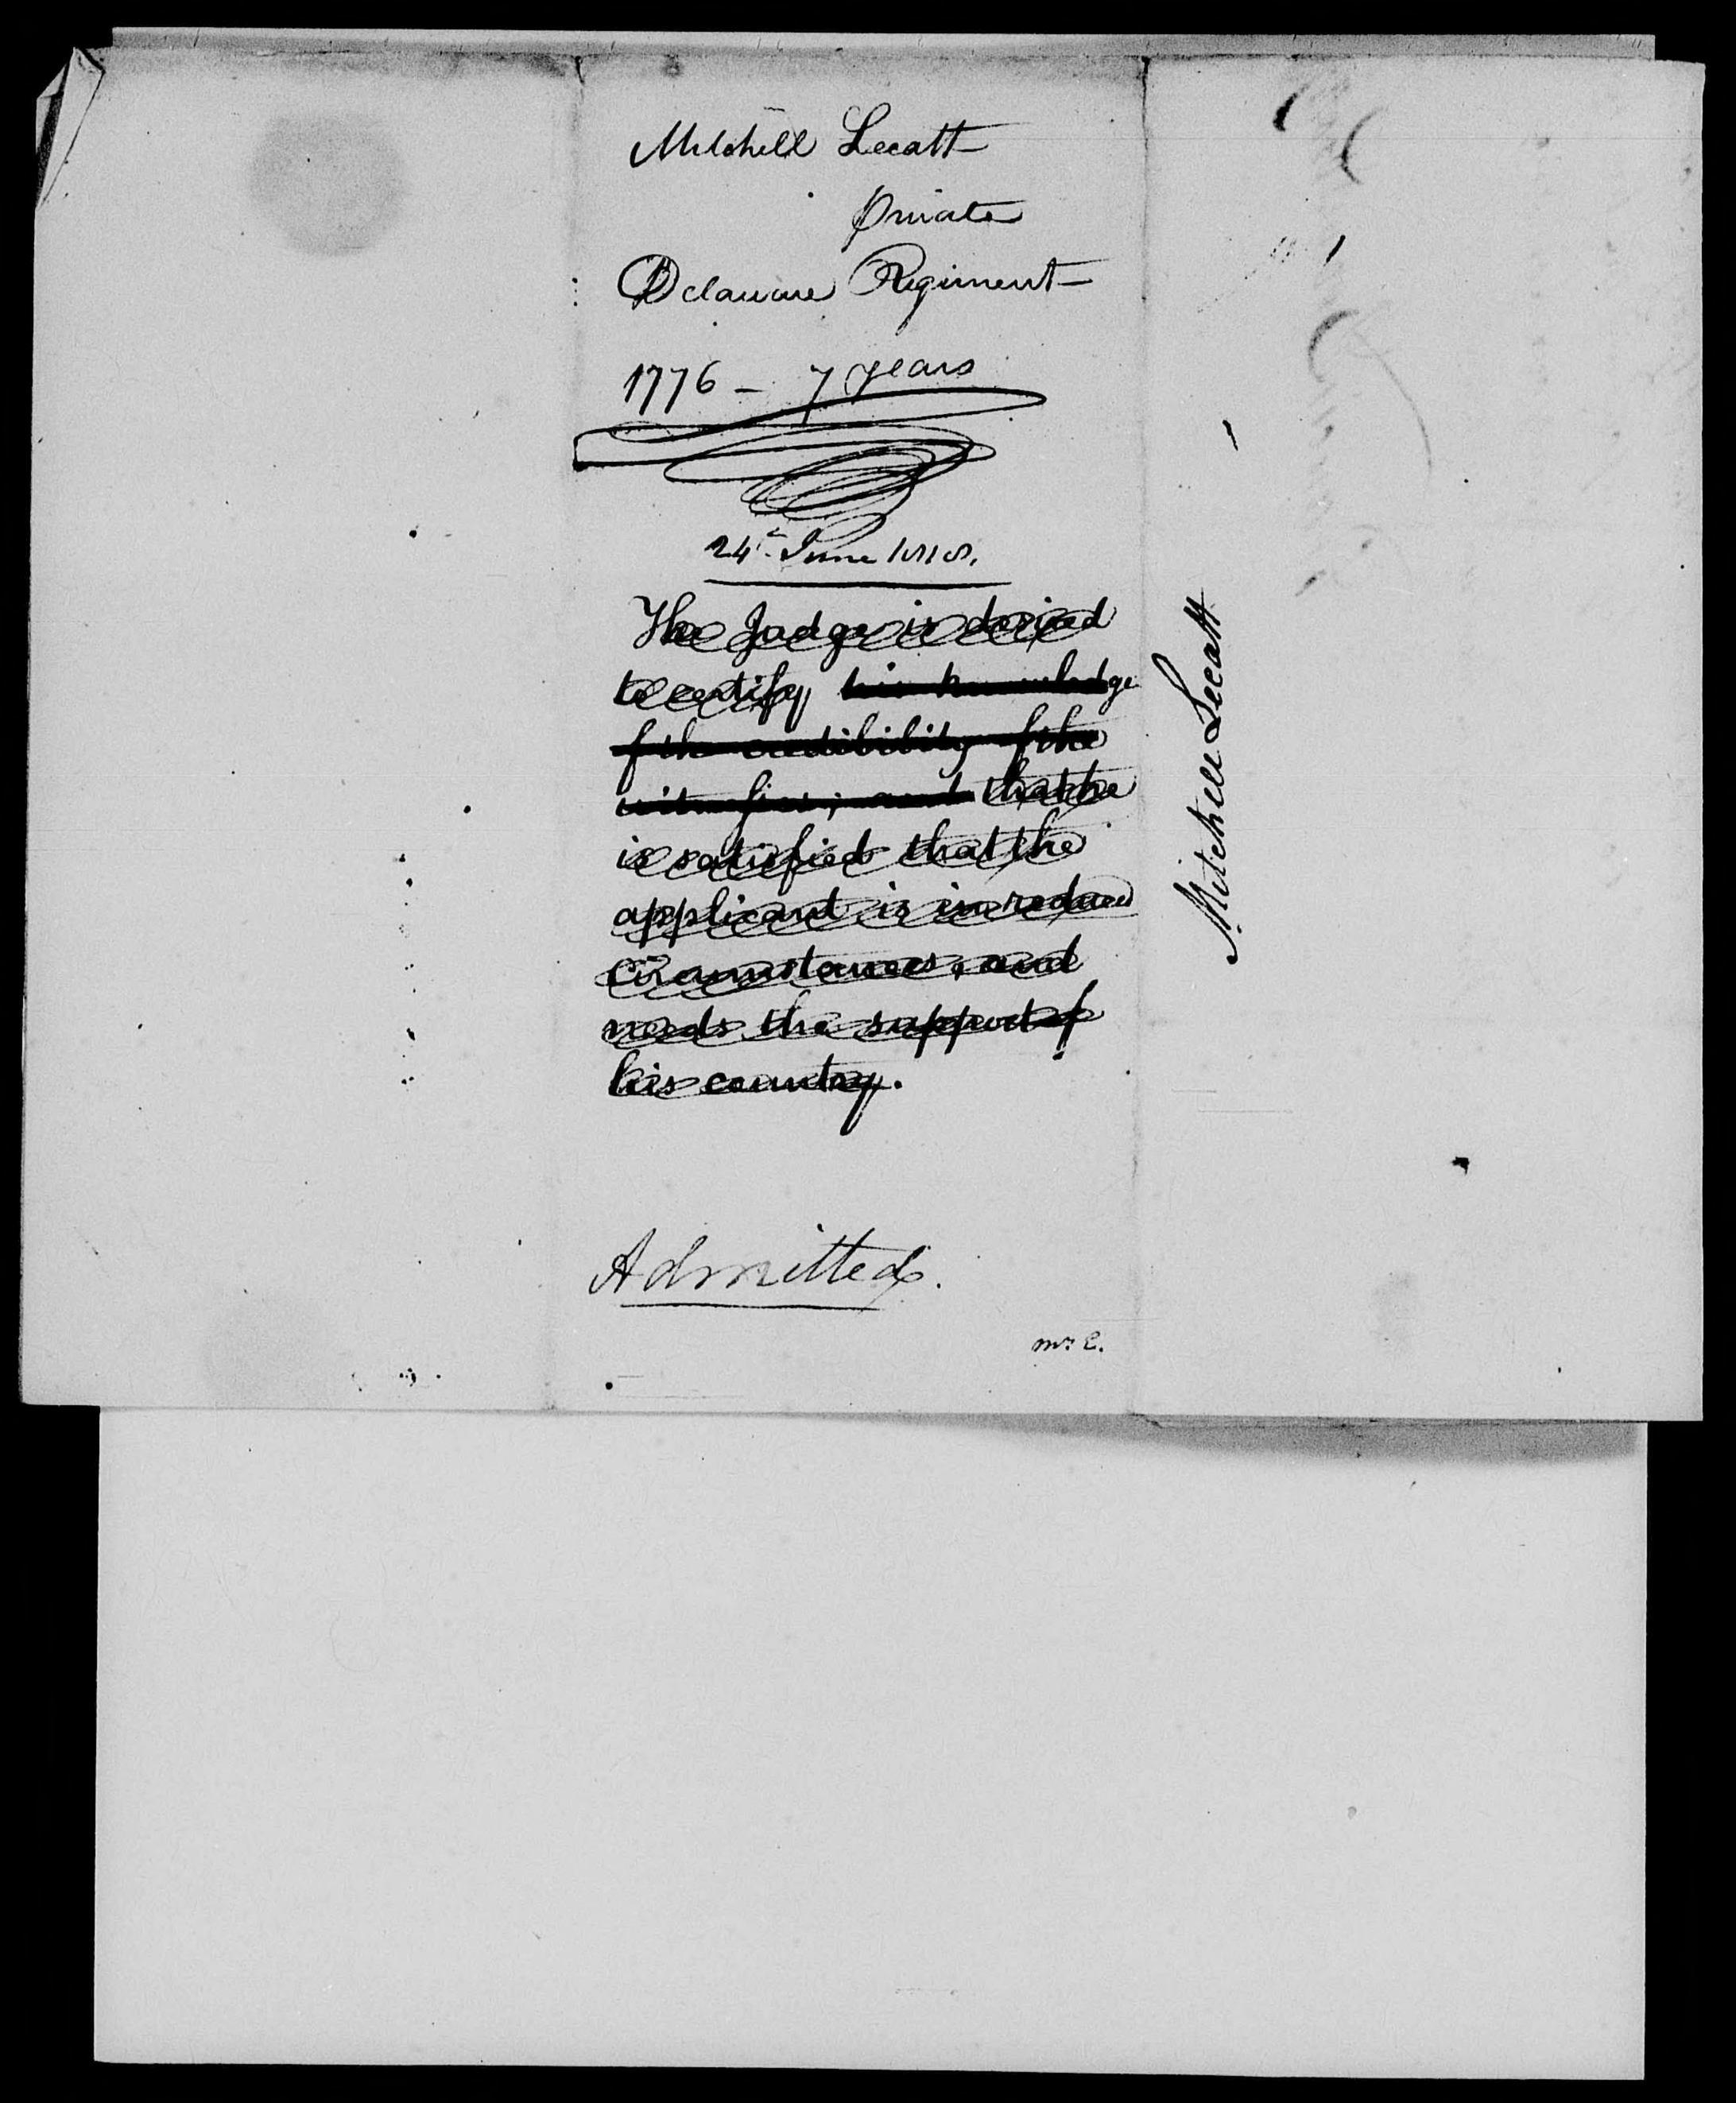Mitchell Lecatt
Private
Delaware Regiment
1776 - 7 years
24th June 1818.
[several lines of crossed out text]

Admitted

Mr. C. 

[written on right hand side] Mitchell Lecatt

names: Mitchell Lecatt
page: 3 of 12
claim: survivor's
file: S. 36,040, for Mitchell Lecatt, Delaware